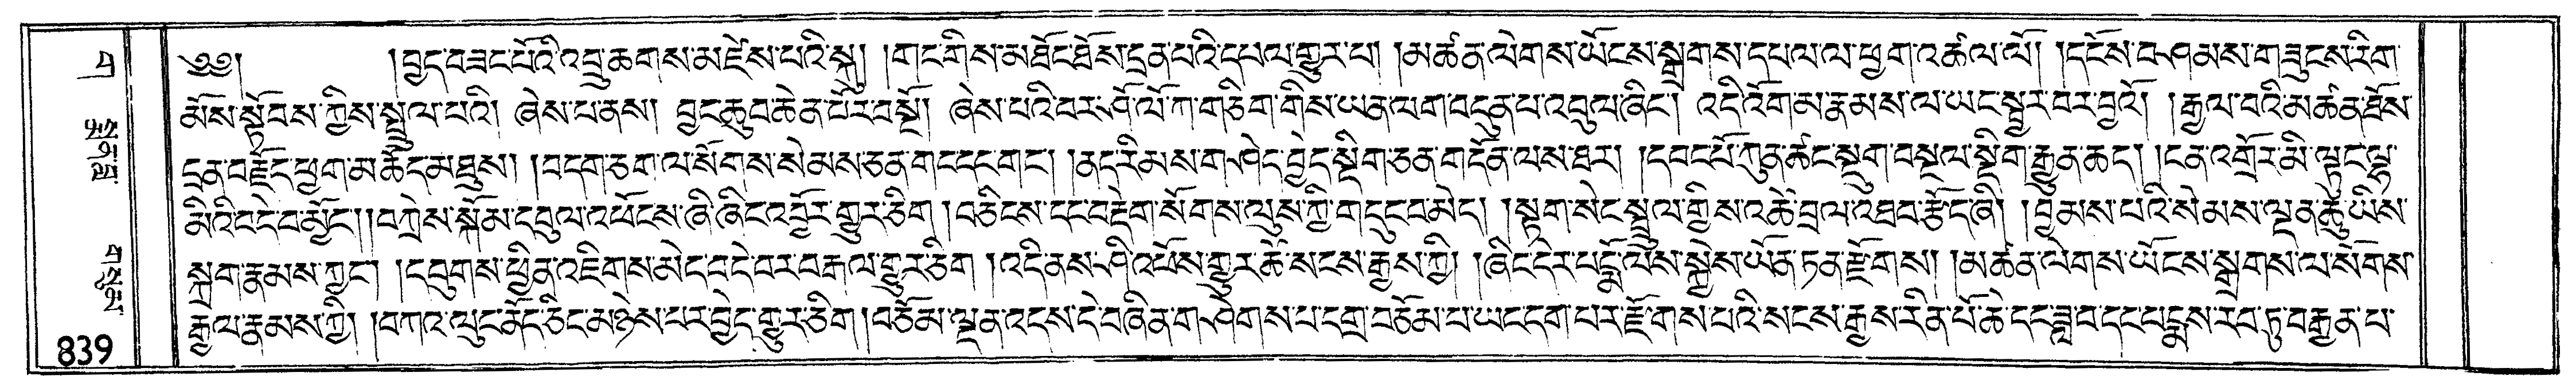༄༅། །བྱད་བཟང་པོའི་འབྲུ་ཆགས་མཛེས་པའི་སྐུ། །གང་གིས་མཐོང་ཐོས་དྲན་པའི་དཔལ་གྱུར་པ། །མཚན་ལེགས་ཡོངས་སྒྲགས་དཔལ་ལ་ཕྱག་འཚལ་ལོ། །དངོས་བཤམས་གཟུངས་རིག་
མོས་སྟོབས་ཀྱིས་སྤྲུལ་པའི། ཞེས་པ་ནས། བྱང་ཆུབ་ཆེན་པོར་བསྔོ། ཞེས་པའི་བར་ཤོ་ལོ་ཀ་གཅིག་གིས་ཡན་ལག་བདུན་པ་འབུལ་ཞིང་། འདི་འོག་མ་རྣམས་ལ་ཡང་སྦྱར་བར་བྱའོ། །རྒྱལ་བའི་མཚན་ཐོས་
དྲན་བརྗོད་ཕྱག་མཆོད་མཐུས། །བདག་ཅག་ལ་སོགས་སེམས་ཅན་གང་དང་གང་། །ནད་རིམས་གཤེད་བྱེད་སྡིག་ཅན་གདོན་ལས་ཐར། །དབང་པོ་ཀུན་ཚང་སྡུག་བསྔལ་སྡིག་རྒྱུན་ཆད། །ངན་འགྲོར་མི་ལྟུང་ལྷ་
མིའི་བདེ་བ་མྱོང་། །བཀྲེས་སྐོམ་དབུལ་འཕོངས་ཞི་ཞིང་འབྱོར་གྱུར་ཅིག །བཅིངས་དང་བརྡེག་སོགས་ལུས་ཀྱི་གདུང་བ་མེད། །སྟག་སེང་སྦྲུལ་གྱིས་འཚེ་བྲལ་འཐབ་རྩོད་ཞི། །བྱམས་པའི་སེམས་ལྡན་ཆུ་ཡིས་
སྐྲག་རྣམས་ཀྱང་། །དབུགས་ཕྱིན་འཇིགས་མེད་བདེ་བར་བརྒལ་གྱུར་ཅིག །འདི་ནས་ཤི་འཕོས་གྱུར་ཚེ་སངས་རྒྱས་ཀྱི། །ཞིང་དེར་པདམོ་ལས་སྐྱེས་ཡོན་ཏན་རྫོགས། །མཚན་ལེགས་ཡོངས་སྒྲགས་ལ་སོགས་
རྒྱལ་རྣམས་ཀྱི། །བཀའ་ལུང་ནོད་ཅིང་མཉེས་པར་བྱེད་གྱུར་ཅིག །བཅོམ་ལྡན་འདས་དེ་བཞིན་གཤེགས་པ་དགྲ་བཅོམ་པ་ཡང་དག་པར་རྫོགས་པའི་སངས་རྒྱས་རིན་པོ་ཆེ་དང་ཟླ་བ་དང་པདམས་རབ་ཏུ་བརྒྱན་པ་